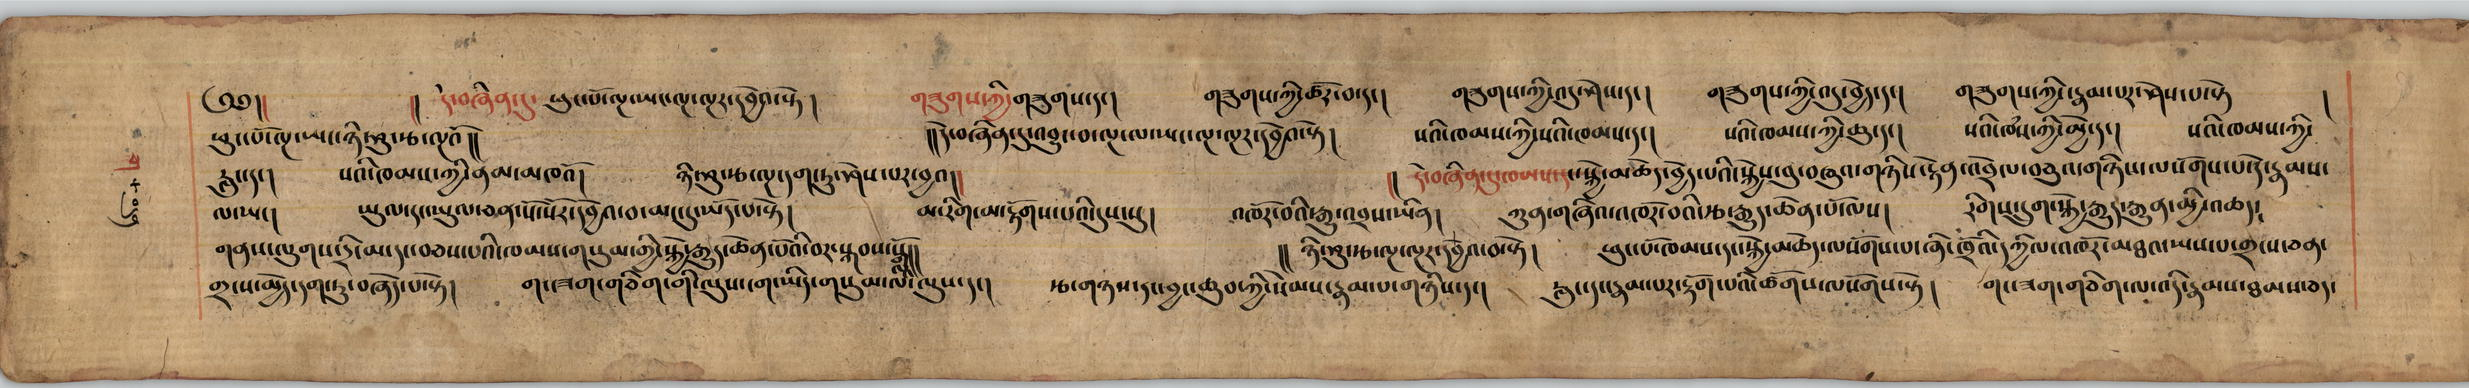༄༅། །། དེ་བཞིན་དུ་ཕུང་པོ་ལྔ་ཡང་ལྔ་ལྔར་དབྱེའ་སྟེ། གཟུགས་ཀྱི་གཟུགས་དང། གཟུགས་ཀྱི་ཚོར་བ་དང། གཟུགས་ཀྱི་འདུ་ཤེས་དང། གཟུགས་ཀྱི་འདུ་བྱེད་དང། གཟུགས་ཀྱི་རྣམ་པར་ཤེས་པ་སྟེ
ཕུང་པོ་ལྔ་ཡང་ཉི་ཤུ་རྩ་ལྔའོ།། །།དེ་བཞིན་དུ་འབྱུང་བ་ལྔ་ལ་ཡང་ལྔ་ལྔར་དབྱེའ་སྟེ། སའི་ཁམས་ཀྱིས་ཁམས་དང། སའི་ཁམས་ཀྱི་ཆུ་དང། སའི་ཁཾས་ཀྱི་མྱེ་དང། སའི་ཁམས་ཀྱི་
རླུང་དང། སའི་ཁམས་ཀྱི་ནམ་མཁའོ། ཉི་ཤུ་རྩ་ལྔ་དག་ཏུ་ཤེས་པར་བྱའ།། །། དེ་བཞིན་དུ་ཁམས་དང་སྐྱེ་མཆེད་བྱེད་པའི་སྐྱེས་བུ་བཅུའ་གཉིས་རྟེན་འབྲེལ་བཅུའ་གཉིས་ལསོགས་པ་དེ་རྣམས་
ལ་ཡང། ཡུལ་དང་ཡུལ་ཅན་སོ་སོར་དབྱེའ་བ་མང་དུ་ཡོད་པ་སྟེ། མ་རིག་མ་རྟོགས་པའི་དུས་སུ། འཁོར་བའི་རྒྱུ་འབྲས་ཡིན། ཀུན་གཞིའི་འཁོར་བའི་རྩ་རྒྱུད་ཆེན་པོ་ལས། རིགས་དྲུག་སྐྱེ་རྒྱུད་རྒྱུན་མྱི་འཆད་
གནས་ལུགས་དྲི་མ་དང་བཅས་པའི་ཁམས་གསུམ་གྱི་སྐྱེ་རྒྱུད་ཆེན་པོའི་བར་སྐབས་སོ།། །། ཉི་ཤུ་རྩ་ལྔ་ལྔར་དབྱེའ་བ་སྟེ། ཕུང་པོ་ཁམས་དང་སྐྱེ་མཆེད་ལསོགས་པ་ཞི་ཁྲོའི་དཀྱིལ་འཁོར་མཐའ་ཡས་པ་གྲངས་ཅན་
གྲངས་མྱེད་དག་ཏུ་བཞེད་པ་སྟེ། གང་ཟག་གཅིག་གི་ལུས་ངག་ཡིད་གསུམ་ལ་ལུས་དང། རྩ་གཉིས་དང་བྱང་ཆུབ་ཀྱི་སེམས་རྣམ་པ་གཉིས་དང། རླུང་དང་རྣམ་པར་རྟོག་པའི་ཚོགས་ལསོགས་སྟེ། གང་ཟག་གཅིག་ལ་འདི་རྣམས་ཐམས་ཅད་